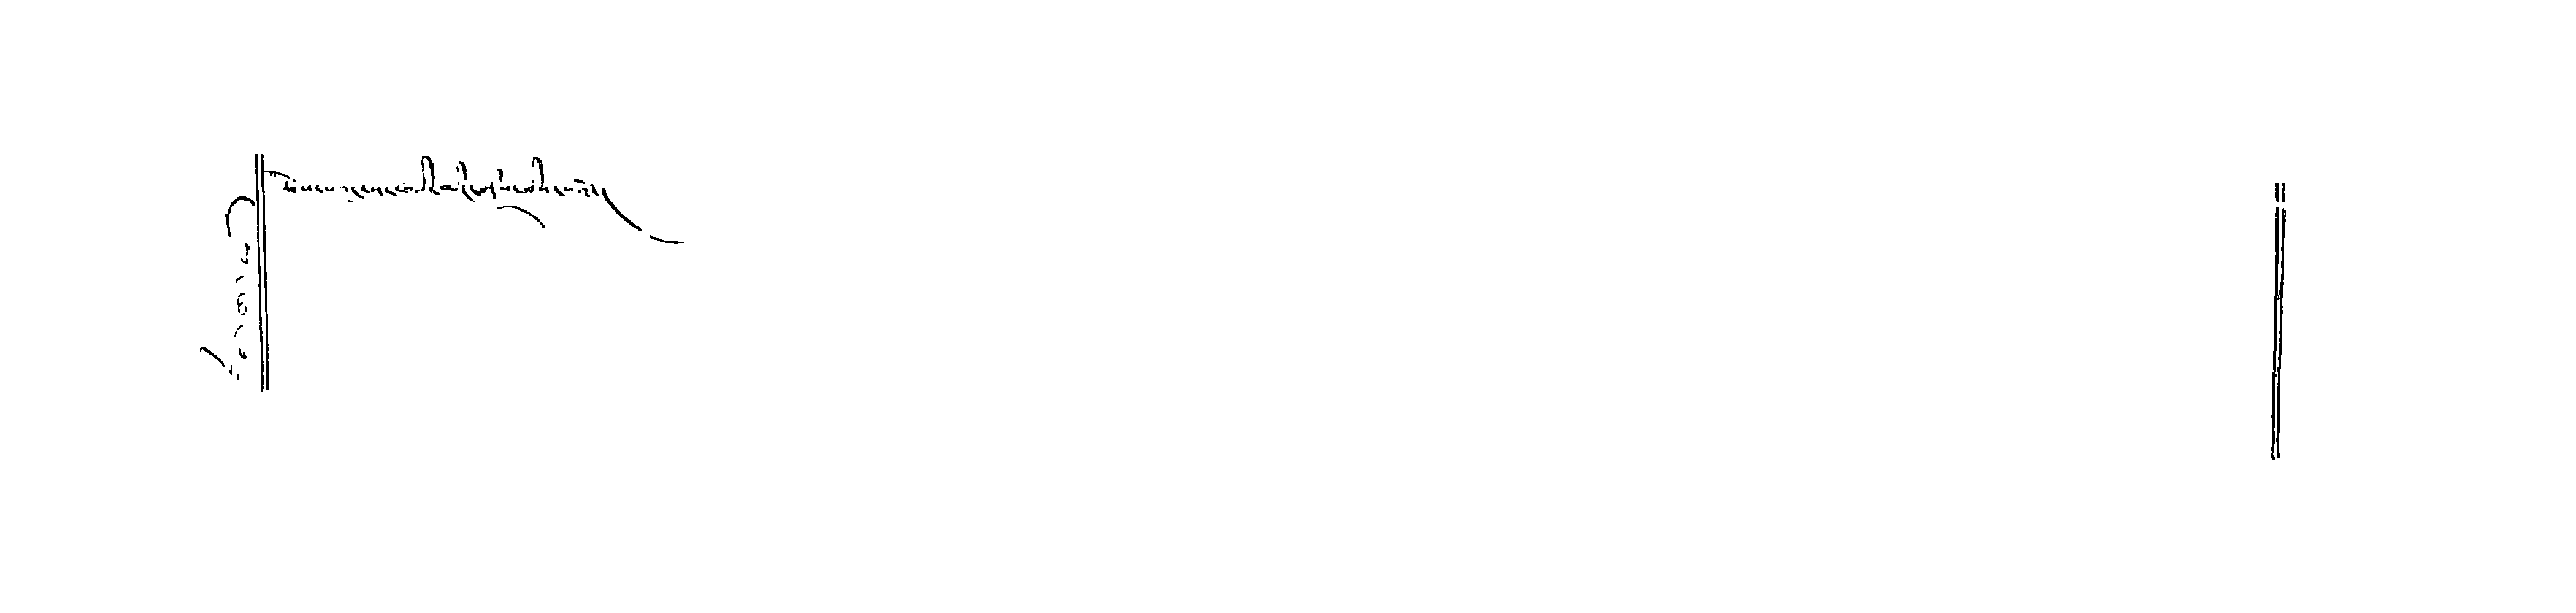ཅེས་པའང་སུ་ཁའི་མིང་གིས་བྲིས་པའོ།།